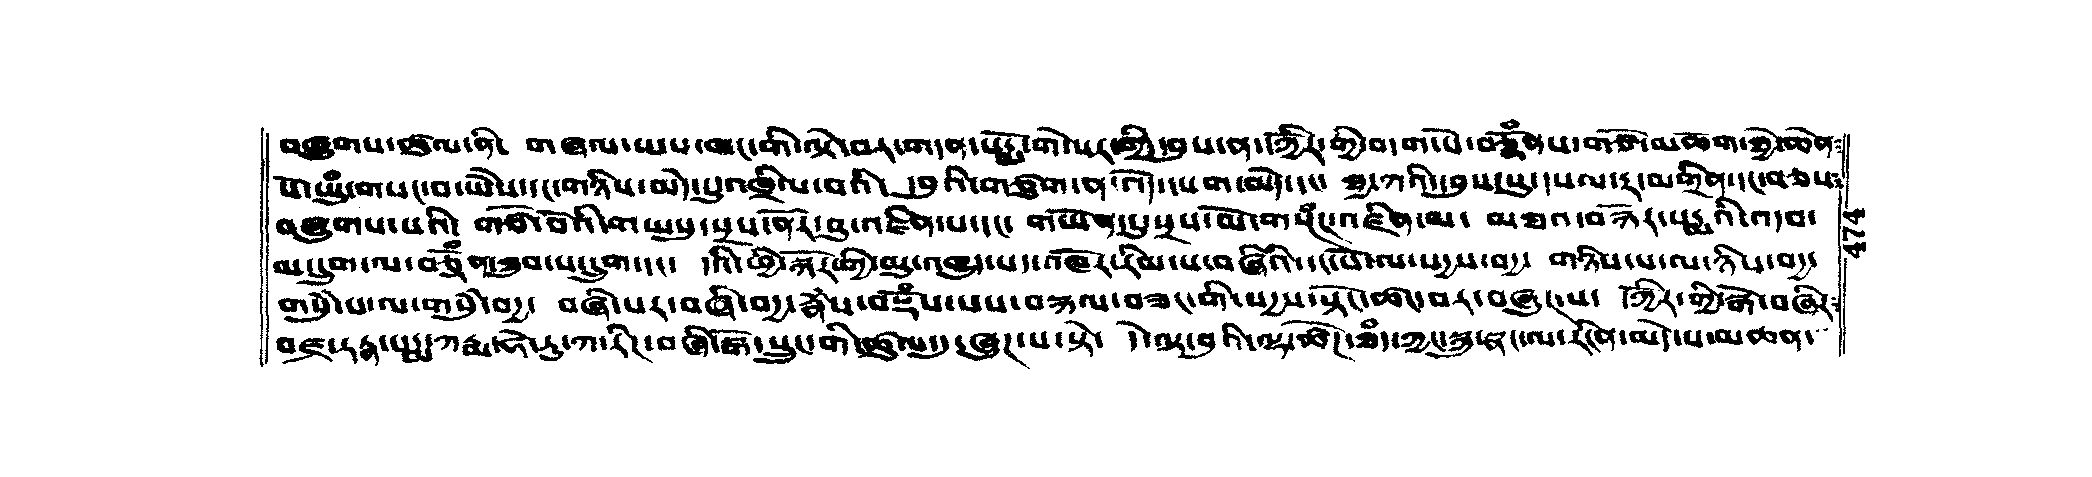བཞུགས་ཚུལ་ནི། གཞལ་ཡས་ཁང་གི་ལྟེ་བར་གདན་པདྨོ་གེ་སར་གྱི་དབུས་ན་དཀྱིལ་འཁོར་གྱི་བདག་པོ་བཅོམ་ལྡན་འདས་གཙོ་མཆོག་ཐུགས་རྗེ་ཆེན་
པོ་ཡུམ་གསང་བ་ཡེ་ཤེས་དང་གཉིས་མེད་དུ་འཁྲིལ་བའི་དབུ་གཙུག་ན་འོད་དཔག་མེད་དང་། ཐུགས་ཀའི་དབུས་ན་རྟ་མགྲིན་དང་བཅས་
བཞུགས་པའི་གཙོ་བོའི་གཡས་སུ་སྲས་ནོར་བུ་འཛིན་པ་དང་། གཡོན་དུ་སྲས་མོ་གསང་སྔགས་འཛིན་མ། མཐའ་སྐོར་པདྨའི་འདབ་
མ་དྲུག་ལ་བཅོམ་ལྡན་འདས་ཐུབ་པ་དྲུག་དང་། དེའི་ཕྱི་སྐོར་གྱི་མུ་འཁྱུད་པད་འཁོར་རིམ་པ་བཞིའི་དང་པོ་ལ་སངས་རྒྱས་བརྒྱ། གཉིས་པ་ལ་ཉིས་བརྒྱ། 
གསུམ་པ་ལ་གསུམ་བརྒྱ། བཞི་པར་བཞི་བརྒྱ་རྣམས་བསྡོམས་པས་བསྐལ་བཟང་གི་སངས་རྒྱས་སྟོང་ཚང་བར་བཞུགས་པ། དཀྱིལ་འཁོར་གྱི་སྒོ་བཞིར་
བཛྲ་རཏྣ་པདྨ་ཧེ་རུ་ཀ་རིགས་བཞི་སྒོ་སྲུང་གི་ཚུལ་དུ་ཞུགས་པ་སྟེ། དེ་ལྟ་བུའི་ལྷ་ཚོགས་ཐམས་ཅད་ཀྱང་སྐུ་སྣང་ལ་རང་བཞིན་མེད་པ་མཚན་